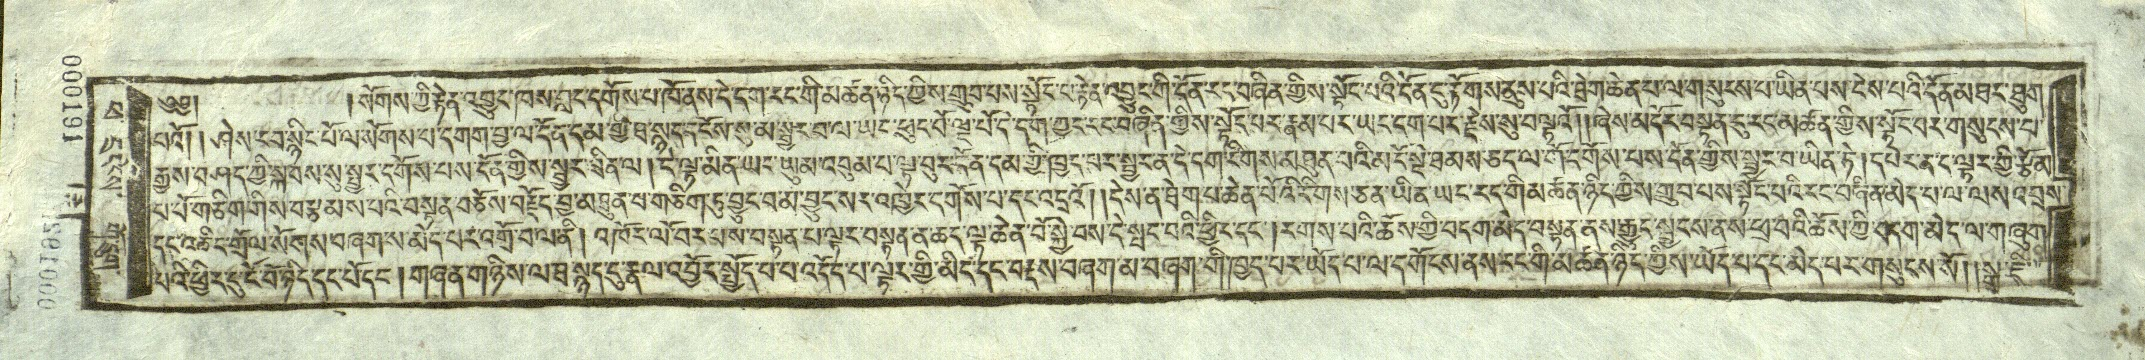༄༅། །སོགས་ཀྱི་རྟེན་འབྱུང་ཁས་བླང་དགོས་པ་ཁོ་ནས་དེ་དག་རང་གི་མཚན་ཉིད་ཀྱིས་གྲུབ་པས་སྟོང་པ་རྟེན་འབྱུང་གི་དོན་རང་བཞིན་གྱིས་སྟོང་པའི་དོན་དུ་རྟོགས་ནུས་པའི་ཐེག་ཆེན་པ་ལ་གསུངས་པ་ཡིན་པས་ངེས་པའི་དོན་མཐར་ཐུག་
པའོ། །ཤེས་རབ་སྙིང་པོ་ལ་སོགས་པ་དགག་བྱ་ལ་དོན་དམ་གྱི་ཐ་སྙད་དངོས་སུ་མ་སྦྱར་བ་ལ་ཡང་ཕུང་པོ་ལྔ་པོ་དེ་དག་ཀྱང་རང་བཞིན་གྱིས་སྟོང་པར་རྣམ་པར་ཡང་དག་པར་རྗེས་སུ་བལྟའོ། །ཞེས་མདོར་བསྟན་དུ་རང་མཚན་གྱིས་སྟོང་པར་གསུངས་པ་
རྒྱས་བཤད་ཀྱི་སྐབས་སུ་སྦྱར་དགོས་པས་དོན་གྱིས་སྦྱར་ཟིན་ལ། དེ་ལྟ་མིན་ཡང་ཡུམ་འབུམ་པ་ལྟ་བུར་དོན་དམ་གྱི་ཁྱད་པར་སྦྱར་ན་དེ་དག་རིགས་མཐུན་པའི་མདོ་སྡེ་ཐམས་ཅད་ལ་གོ་དགོས་པས་དོན་གྱིས་སྦྱར་བ་ཡིན་ཏེ། དཔེར་ན་ད་ལྟར་གྱི་རྩོམ་
པ་པོ་གཅིག་གིས་བརྩམས་པའི་བསྟན་བཅོས་བརྗོད་བྱ་མཐུན་པ་གཅིག་ཏུ་བྱུང་བ་མ་བྱུང་སར་འཁྱེར་དགོས་པ་དང་འདྲའོ། །དེས་ན་ཐེག་པ་ཆེན་པོའི་རིགས་ཅན་ཡིན་ཡང་རང་གི་མཚན་ཉིད་ཀྱིས་གྲུབ་པས་སྟོང་པའི་རང་བཞིན་མེད་པ་ལ་ལས་འབྲས་
དང་འཆིང་གྲོལ་སོགས་བཞག་ས་མེད་པར་འགྲོ་བ་ལ་ནི། འཁོར་ལོ་བར་པས་བསྟན་པ་ལྟར་བསྟན་ན་ཆད་ལྟ་ཆེན་པོ་སྐྱེ་བས་དེ་སྤང་བའི་ཕྱིར་དང་། རགས་པའི་ཆོས་ཀྱི་བདག་མེད་བསྟན་ནས་རྒྱུད་སྦྱངས་ནས་ཕྲ་བའི་ཆོས་ཀྱི་བདག་མེད་ལ་གཞུག་
པའི་ཕྱིར་དུ་ངོ་བོ་ཉིད་དང་པོ་དང་། གཞན་གཉིས་ལ་ཐ་སྙད་དུ་རྣལ་འབྱོར་སྤྱོད་པ་པ་འདོད་པ་ལྟར་གྱི་མིང་དང་བརྡས་བཞག་མ་བཞག་གི་ཁྱད་པར་ཡོད་པ་ལ་དགོངས་ནས་རང་གི་མཚན་ཉིད་ཀྱིས་ཡོད་པ་དང་མེད་པར་གསུངས་སོ། །སྒྲ་ཇི་